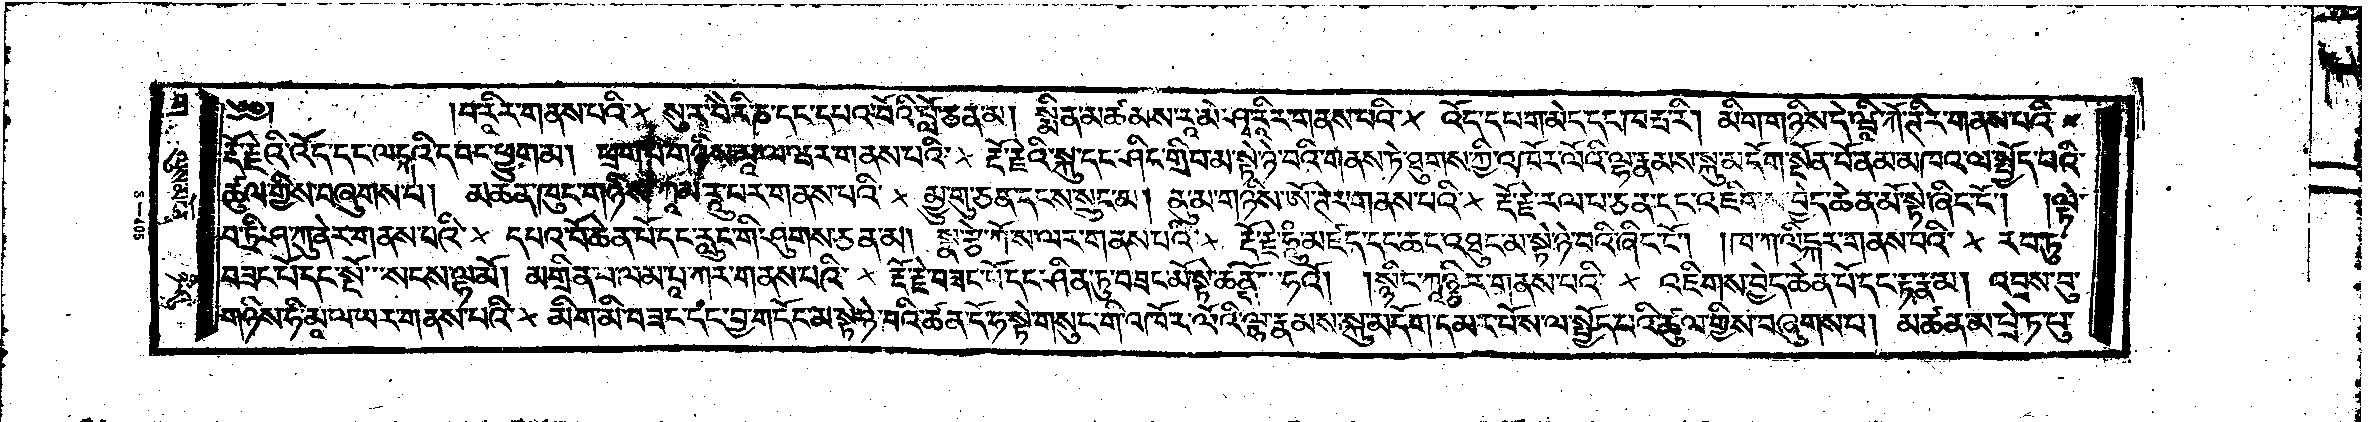༄༅། །བ་རཱིར་གནས་པའི་྾་སུ་ར་བཻ་རི་ཎ་དང་དཔའ་བོའི་བློ་ཅན་མ། སྨིན་མཚམས་རཱ་མེ་ཤྭ་རཱིར་གནས་པའི་྾་འོད་དཔག་མེད་དང་ཁརྦ་རི། མིག་གཉིས་དེ་ཝཱི་ཀོ་ཊིར་གནས་པའི་྾་
རྡོ་རྗེའི་འོད་དང་ལངྐའི་དབང་ཕྱུག་མ། ཕྲག་པ་གཉིས་མཱ་ལ་ཝར་གནས་པའི་྾་རྡོ་རྗེའི་སྐུ་དང་ཤིང་གྲིབ་མ་སྟེ་ཉེ་བའི་གནས་ཏེ་ཐུགས་ཀྱི་འཁོར་ལོའི་ལྷ་རྣམས་སྐུ་མདོག་སྔོན་པོ་ནམ་མཁའ་ལ་སྤྱོད་པའི་
ཚུལ་གྱིས་བཞུགས་པ། མཆན་ཁུང་གཉིས་ཀཱམ་རཱུ་པར་གནས་པའི་྾་མྱུ་གུ་ཅན་དང་ས་སྲུང་མ། ནུ་མ་གཉིས་ཨཨོ་ཊེར་གནས་པའི་྾་རྡོ་རྗེ་རལ་པ་ཅན་དང་འཇིགས་བྱེད་ཆེན་མོ་སྟེ་ཞིང་ངོ། །ལྟེ་
བ་ཏྲི་ཤ་ཀུ་ནེར་གནས་པའི་྾་དཔའ་བོ་ཆེན་པོ་དང་རླུང་གི་ཤུགས་ཅན་མ། སྣ་རྩེ་ཀོ་ས་ལར་གནས་པའི་྾་རྡོ་རྗེ་ཧཱུཾ་མཛད་དང་ཆང་འཐུང་མ་སྟེ་ཉེ་བའི་ཞིང་ངོ། །ཁ་ཀ་ལིངྐར་གནས་པའི་྾་རབ་ཏུ་
བཟང་པོ་དང་སྔོ་སངས་ལྷ་མོ། མགྲིན་པ་ལམ་པཱ་ཀར་གནས་པའི྾་རྡོ་རྗེ་བཟང་པོ་དང་ཤིན་ཏུ་བཟང་མོ་སྟེ་ཚནྡོ་ཧའོ། །སྙིང་ཀཱཉྕིར་གནས་པའི྾་འཇིགས་བྱེད་ཆེན་པོ་དང་རྟ་རྣམ། འབྲས་བུ་
གཉིས་ཧི་མཱ་ལ་ཡར་གནས་པའི་྾་མིག་མི་བཟང་དང་བྱ་གདོང་མ་སྟེ་ཉེ་བའི་ཚན་དོ་ཧ་སྟེ་གསུང་གི་འཁོར་ལོའི་ལྷ་རྣམས་སྐུ་མདོག་དམར་པོ་ས་ལ་སྤྱོད་པའི་ཚུལ་གྱིས་བཞུགས་པ། མཚན་མ་པྲེ་ཏ་པུ་